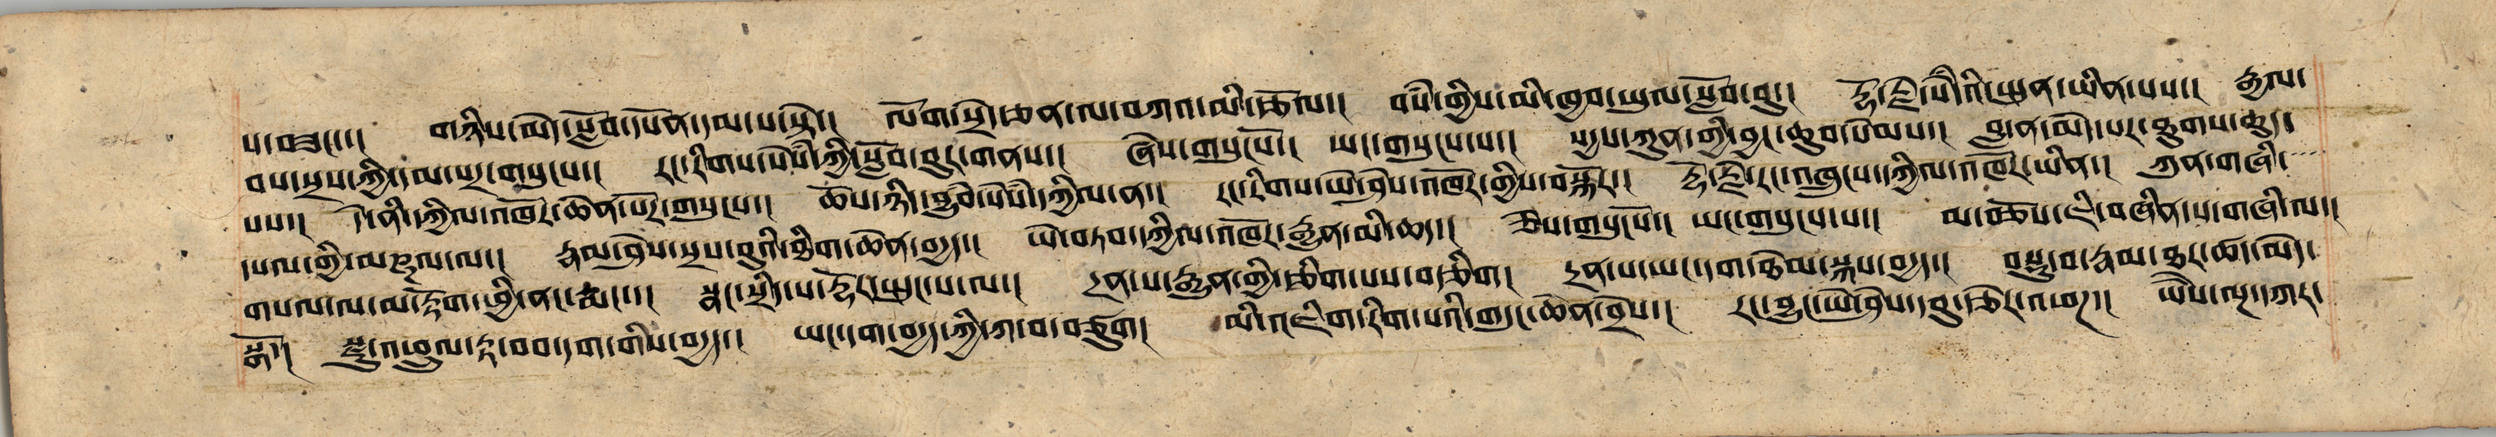པ་བཟང་་། གཉིས་མེད་སློབ་དཔོན་དམ་པ་སྟེ་། ལོག་སྲེད་ཅན་ལ་བཀའ་མི་རྩོལ་། བསཾ་གྱིས་མི་ཁྱབ་ཡུལ་སློབ་བུ་། རྡོ་རྗེ་སེཾདའི་སྤུན་ཡིན་པས་། རྒྱལ་
བས་སྲས་ཀྱི་དམ་པར་གསུངས་། རང་རིགས་སེཾས་ཀྱི་སློབ་བུར་གནས་། ཞེས་གསུངསོ་། ཡང་གསུངས་པ་། སདྱས་ཀུན་གྱི་བྱང་ཆུབ་སེམས་། བླ་ན་མེད་པར་ཐུགས་ཆུད་
པས་། དེ་ནི་དཀྱིལ་འཁོར་ཆེན་པོར་གསུངས་། ཆོས་ཉིད་བྱུཾབ་སེཾས་དཀྱིལ་ན་། རང་རིགས་ཡེ་ཤེས་འཁོར་གྱིས་བསྐོར་། རྡོ་རྗེ་རང་འཁྲུངས་དཀྱིལ་འཁོར་ཡིན་། ཀུན་གཞི་
དཔལ་གྱི་མཎྜལ་ལ་། རྨན་ཤེས་སྲས་བུའི་ཐིག་ཆེན་བདྱད་། ཡེ་བཏབ་དཀྱིལ་འཁོར་རྒྱུན་མི་ཆད་། ཅེས་གསུངསོ་། ཡང་གསུངས་པ་། མ་བཅོས་ཇི་བཞིན་ས་གཞི་ལ་།
གསལ་ལ་མ་རྟོག་ཕྱི་ནང་རྨང་་། སྣང་སྲིད་པ་རྡོར་སྤུང་པ་ལ་། དྲན་པ་རྒྱུན་གྱི་རྩིག་པས་བརྩིག། དྲན་པ་ཡང་དག་ཐེམ་སྐས་བདྱད་། བསྡུ་བ་རྣམ་ཐར་ཚད་མེད་
སྒོ་། སྫུ་འཕྲུལ་རྟ་བབ་དག་གིས་བདྱད་། ཡང་དག་བདྱད་ཀྱི་ཀ་བ་བཙུག། མི་འཇིག་རིག་པའི་གདུང་ཆེན་བྲེས་། རང་བྱུང་ཡེ་ཤེས་དབུ་རྩེར་འཕཌ་། ཡཻས་ལྔ་དཀར་